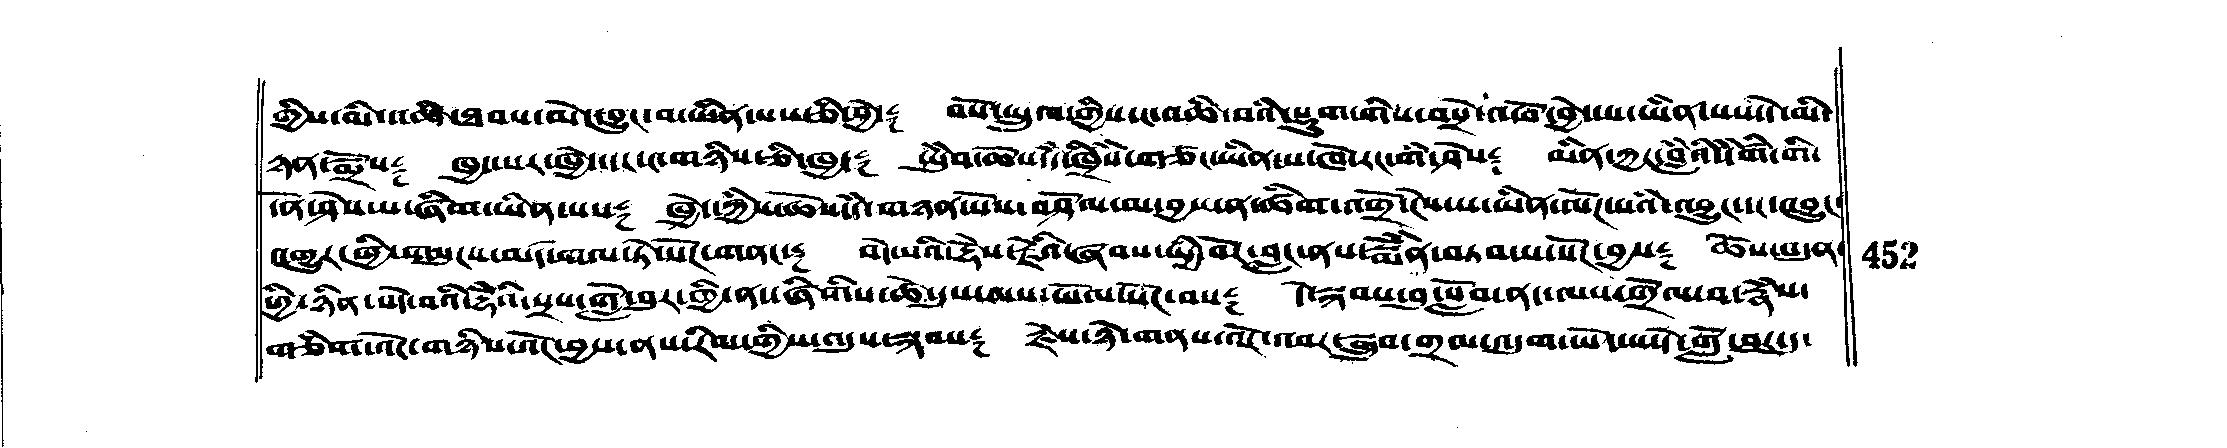གྱིས་མི་འཆི་ཐབས་མེད་བྱུང་བ་ཡིན་པས་ཅི་བྱེད། བསོ་སྤྲུལ་གྱིས་ང་འཆི་བའི་སྡུག་གིས་བསྲེ་འཕོ་བྱེད་པ་ཡིན་པས་དེ་མི་
ཉན་སྨྲོས། ཁྱད་པར་ཁྱེད་དང་ང་གཉིས་ཅི་ཁྱད། ཡབ་ཡུམ་ཆོས་དམ་ཁྲིམས་གཙང་ཡིན་པ་ཁོ་རང་གི་ཤེས། མིན་ཀྱང་བླ་མའི་དམ་ཚིག་གི་
དོན་ཤེས་པ་ཞིག་ཡིན་པས།ཁྱེད་ཀྱིས་ཆོས་དམ་གཉན་པོས་བཤོལ་མ་བྱས་ན་ཚིག་འགྲོ་ངེས་པ་ཡིན་ལ་སོགས་པའི་འབྱུང་དང་འབྱུང་
འགྱུར་གྱི་གསུངས་མཛད་གལ་ཏེ་སོགས་གནང་། བདེ་བའི་རྡོ་རྗེས་རྗེའི་ཞབས་སྤྱི་བོར་བླང་ནས་སྨོན་ལམ་བཏབ་པ་སོགས་བྱས། ཚེས་བདུན་
གྱི་ཉིན་བདེ་བའི་རྡོ་རྗེའི་སྲས་གློ་བུར་གྱི་ནད་ཞིག་གིས་ཚེ་དུས་ལས་ཡོལ་སོང་བས། དེ་སྐབས་བུ་སློབ་ནད་ལས་གྲོལ་བ་རྣམས་
གཅིག་འོང་གཉིས་འོང་བྱས་ནས་རིམ་གྱིས་འདུས་སྐབས། རྗེས་ཉེ་གནས་འོད་འབར་སྒྲུབ་གྲྭ་ལ་འདུག་ཡོད་པ་དེ་གློ་བུར་དུ་